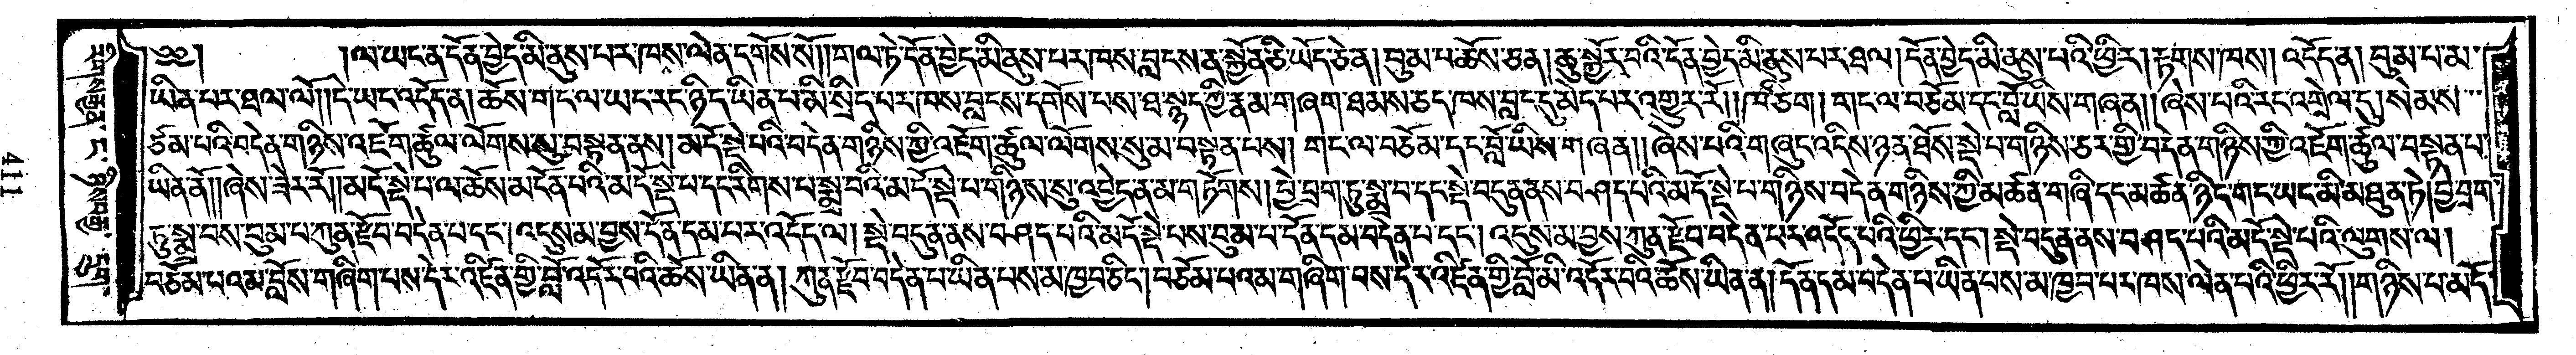༄༅། །ལ་ཡང་ན་དོན་བྱེད་མི་ནུས་པར་ཁས་ལེན་དགོས་སོ། །གལ་ཏེ་དོན་བྱེད་མི་ནུས་པར་ཁས་བླངས་ན་སྐྱོན་ཅི་ཡོད་ཅེ་ན། བུམ་པ་ཆོས་ཅན། ཆུ་སྐྱོར་བའི་དོན་བྱེད་མི་ནུས་པར་ཐལ། དོན་བྱེད་མི་ནུས་པའི་ཕྱིར། རྟགས་ཁས། འདོད་ན། བུམ་པ་མ་
ཡིན་པར་ཐལ་ལོ། །དེ་ཡང་འདོད་ན། ཆོས་གང་ལ་ཡང་རང་ཉིད་ཡིན་པ་མི་སྲིད་པར་ཁས་བླངས་དགོས་པས་ཐ་སྙད་ཀྱི་རྣམ་གཞག་ཐམས་ཅད་ཁས་བླང་དུ་མེད་པར་འགྱུར་རོ། །ཁ་ཅིག ། གང་ལ་བཅོམ་དང་བློ་ཡིས་གཞན། །ཞེས་པའི་རང་འགྲེལ་དུ། སེམས་
ཙམ་པའི་བདེན་གཉིས་འཇོག་ཚུལ་ལོགས་སུ་བསྟན་ནས། མདོ་སྡེ་པའི་བདེན་གཉིས་ཀྱི་འཇོག་ཚུལ་ལོགས་སུ་མ་བསྟན་པས། གང་ལ་བཅོམ་དང་བློ་ཡིས་གཞན། །ཞེས་པའི་གཞུང་འདིས་ཉན་ཐོས་སྡེ་པ་གཉིས་ཅར་གྱི་བདེན་གཉིས་ཀྱི་འཇོག་ཚུལ་བསྟན་པ་
ཡིན་ནོ། །ཞེས་ཟེར་རོ། །མདོ་སྡེ་པ་ལ་ཆོས་མངོན་པའི་མདོ་སྡེ་པ་དང་རིགས་པ་སྨྲ་བའི་མདོ་སྡེ་པ་གཉིས་སུ་འབྱེད་ན་མ་གཏོགས། བྱེ་བྲག་ཏུ་སྨྲ་བ་དང་སྡེ་བདུན་ནས་བཤད་པའི་མདོ་སྡེ་པ་གཉིས་བདེན་གཉིས་ཀྱི་མཚན་གཞི་དང་མཚན་ཉིད་གང་ཡང་མི་མཐུན་ཏེ། བྱེ་བྲག་
ཏུ་སྨྲ་བས་བུམ་པ་ཀུན་རྫོབ་བདེན་པ་དང་། འདུས་མ་བྱས་དོན་དམ་པར་འདོད་ལ། སྡེ་བདུན་ནས་བཤད་པའི་མདོ་སྡེ་པས་བུམ་པ་དོན་དམ་བདེན་པ་དང་། འདུས་མ་བྱས་ཀུན་རྫོབ་བདེན་པར་འདོད་པའི་ཕྱིར་དང་། སྡེ་བདུན་ནས་བཤད་པའི་མདོ་སྡེ་པའི་ལུགས་ལ།
བཅོམ་པའམ་བློས་གཞིག་པས་དེར་འཛིན་གྱི་བློ་འདོར་བའི་ཆོས་ཡིན་ན། ཀུན་རྫོབ་བདེན་པ་ཡིན་པས་མ་ཁྱབ་ཅིང་། བཅོམ་པའམ་གཞིག་པས་དེར་འཛིན་གྱི་བློ་མི་འདོར་བའི་ཆོས་ཡིན་ན། དོན་དམ་བདེན་པ་ཡིན་པས་མ་ཁྱབ་པར་ཁས་ལེན་པའི་ཕྱིར་རོ། །གཉིས་པ་མདོ་